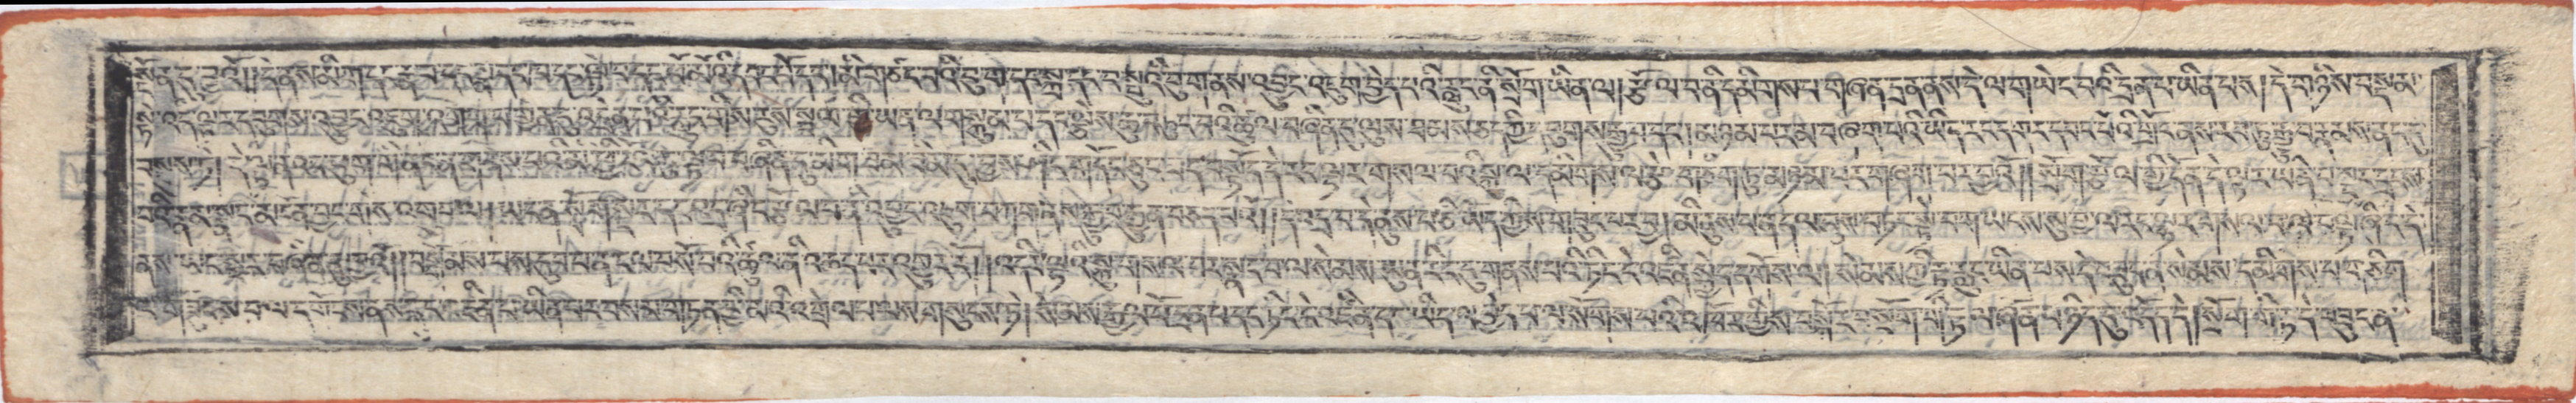སྔོན་དུ་བྱའོ། །དེ་ནས་མིག་དང་རྣ་བ་དང་སྣ་དང་ཁ་དང་ལྟེ་བ་དང་ཕོ་མོའི་དབང་པོ་དང་། མི་གཙང་བའི་བུ་ག་དང་སྐྲ་དང་བ་སྤུའི་བུ་ག་ནས་འབྱུང་འཇུག་བྱེད་པའི་རླུང་ནི་སྲོག་ཡིན་ལ། རྩོལ་བ་ནི་དམིགས་པ་གཞན་དྲན་ནས་དེ་ལ་གཡེང་བའི་དྲན་པ་ཡིན་པས། དེ་གཉིས་བསྡམ་
སྟེ་འདི་ལྟར་དབུགས་འབྱུང་འཇུག་འགོག་པ་གྱེན་དུ་འདྲེན་པའི་རླུང་གིས་རུས་སྦལ་གྱི་ཡན་ལག་སྐུམ་པ་དང་ལྕེས་ཆུ་བཏུང་བའི་ཚུལ་བཞིན་དུ་ལུས་ཐམས་ཅད་ཀྱི་དབུགས་རྒྱུ་བ་དང་། མཉམ་པར་མ་བཞག་པའི་ཡིད་རང་དགར་དབང་པོའི་གྲོང་ནས་རབ་ཏུ་རྒྱུ་བ་རྣམས་ནང་དུ་
བསྡུས་ཏེ། དེ་ལྟ་ནའང་ཕུག་གི་ནང་ན་གནས་པའི་མི་ཕྱི་རོལ་ཏུ་ལྟ་བ་བཞིན་དུ་མིག་ཟམ་ཟིམ་དུ་བྱས་ཤིང་གདོང་ཅུང་ཟད་བསྟོད་དེ་རང་ལྟར་གསལ་བའི་སྐུ་ལ་དམིགས་ལ་རྩེ་གཅིག་ཏུ་མཉམ་པར་གཞག་པར་བྱའོ། །སྲོག་རྩོལ་གྱི་དོན་དེ་ལྟར་ཡིན་པ་སྔར་དྲངས་
བའི་རྣམ་སྣང་མངོན་བྱང་གིས་འགྲུབ་ལ། ཡང་ན་སྲོག་སྔར་དང་འདྲ་ཞིང་རྩོལ་བ་ནི་འབྱུང་འཇུག་བཀག་ནས་རྒྱུ་བ་རྒྱུན་བཅད་པའོ། །དེ་འདྲ་བ་དེ་ནུས་པ་ཅི་ཡོད་ཀྱིས་གཟུང་པར་བྱ། མི་ནུས་པ་ན་དལ་བུས་བཏང་སྟེ་བག་ཡངས་སུ་བྱ་ལ་རང་ལྷར་གསལ་བ་ལ་བལྟ་ཞིང་དེ་
ནས་ཡང་སྔར་བཞིན་དུ་བྱའོ། །བསྒོམས་པས་དུབ་ཕ་ན་ངལ་བསོ་བའི་ཚུལ་ནི་འཆད་པར་འགྱུར་རོ། །འདིར་ལྷའི་སྐུ་གསལ་བར་སྣང་བ་ལ་སེམས་ཡུན་རིང་དུ་གནས་པའི་ཏིང་ངེ་འཛིན་སྐྱེད་དགོས་ལ། སེམས་ཀྱི་རྟ་རླུང་ཡིན་པས་དེ་བཟུང་ན་སེམས་དམིགས་པ་གཅིག་
ལ་གཟུང་སླ་བ་ལ་དགོངས་ནས་རླུང་འཛིན་པ་ཡིན་པར་བསམ་གཏན་ཕྱི་མའི་འགྲེལ་པ་ལས་གསུངས་ཏེ། སེམས་རྒྱལ་པོ་དྲན་པ་དང་ཏིང་ངེ་འཛིན་དང་ཡིད་ལ་བྱེད་པ་ལ་སོགས་པའི་འཁོར་གྱིས་བསྐོར་བ་སྲོག་གི་རྟ་ལ་ཞོན་པ་ཉིད་དུ་འདོད་དེ། སྲོག་གི་རྟ་དེ་བཟུང་ན་